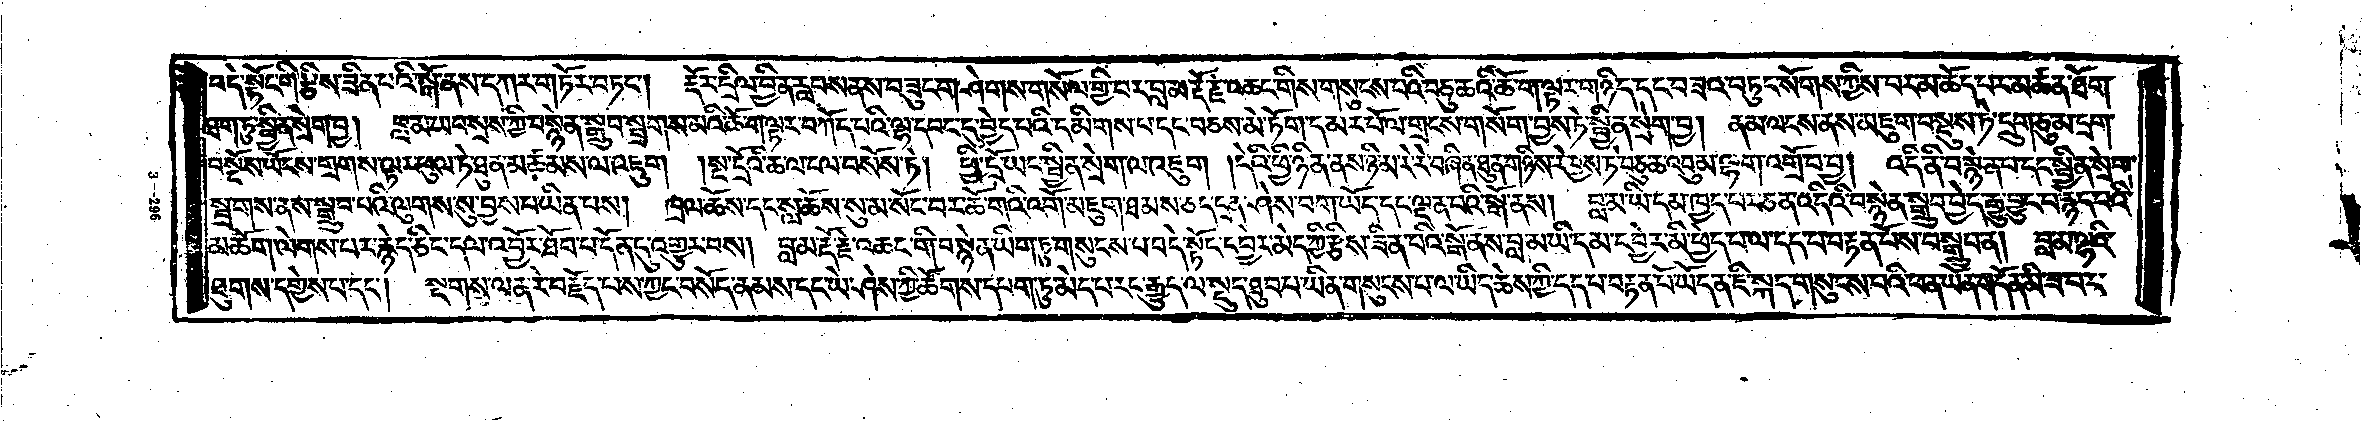བདེ་སྟོང་གི་རྩིས་ཟིན་པའི་སྒོ་ནས་དཀར་གཏོར་བཏང་། རྡོར་དྲིལ་བྱིན་རླབས་ནས་བཟུང་གཤེགས་གསོལ་གྱི་བར་བླ་མ་རྡོ་རྗེ་འཆང་གིས་གསུངས་པའི་བཅུ་ཆའི་ཆོ་ག་ལྟར་གཉིད་དང་བཟའ་བཏུང་སོགས་ཀྱིས་བར་མཆོད་པར་མཚན་ཐོག་
ཐག་ཏུ་སྦྱིན་སྲེག་བྱ། བླ་མ་ཡབ་སྲས་ཀྱི་བསྙེན་སྒྲུབ་སྦྲགས་མའི་ཆོ་ག་ལྟར་བཀོད་པའི་ལྷ་དབང་དུ་བྱེད་པའི་དམིགས་པ་དང་བཅས་མེ་ཏོག་དམར་པོ་ལ་གྲངས་གསོག་བྱས་ཏེ་སྦྱིན་སྲེག་བྱ། ནམ་ལངས་ནས་མཇུག་བསྡུས་ཏེ་དྲུག་ཅུ་མ་དྲག་
བསྔོས་ཡོངས་གྲགས་ལྟར་ཕུལ་ཏེ་ཐུན་མཚམས་ལ་འཇུག །སྔ་དྲོའི་ཆ་ལ་ངལ་བསོས་ཏེ། ཕྱི་དྲོ་ཡང་སྦྱིན་སྲེག་ལ་འཇུག །དེའི་ཕྱི་ཉིན་ནས་ཉི་མ་རེ་རེ་བཞིན་ཐུན་གཉིས་རེ་བྱས་ཏེ་བཅུ་ཆ་འབུམ་ལྷག་འགྲོ་བ་བྱ། འདི་ནི་བསྙེན་པ་དང་སྦྱིན་སྲེག་
སྦྲགས་ནས་སྒྲུབ་པའི་ལུགས་སུ་བྱས་པ་ཡིན་པས། ཁྲལ་ཆོས་དང་སླ་ཆོས་སུམ་སོང་བར་ཆོ་གའི་འགོ་མཇུག་ཐམས་ཅད་དྲན་ཤེས་བག་ཡོད་དང་ལྡན་པའི་སྒོ་ནས། བླ་མ་ཡི་དམ་ཁྱད་པར་ཅན་འདིའི་བསྙེན་སྒྲུབ་བྱེད་རྒྱུ་བྱུང་བ་རྙེད་པའི་
མཆོག་ལེགས་པར་རྙེད་ཅིང་དལ་འབྱོར་ཐོབ་པ་དོན་དུ་འགྱུར་བས། བླ་མ་རྡོ་རྗེ་འཆང་གི་བསྙེན་ཡིག་ཏུ་གསུངས་པ་བདེ་སྟོང་དབྱེར་མེད་ཀྱི་རྩིས་ཟིན་པའི་སྒོ་ནས་བླ་མ་ཡི་དམ་དབྱེར་མི་ཕྱེད་པ་ལ་དད་པ་བརྟན་པོས་བསྒྲུབ་ན། བླ་མ་ལྷའི་
ཐུགས་དགྱེས་པ་དང་། སྔགས་ལ་ན་རེ་བརྗོད་པས་ཀྱང་བསོད་ནམས་དང་ཡེ་ཤེས་ཀྱི་ཚོགས་དཔག་ཏུ་མེད་པ་རང་རྒྱུད་ལ་སྡུད་ཐུབ་པ་ཡིན་གསུངས་པ་ལ་ཡིད་ཆེས་ཀྱི་དད་པ་བརྟན་པོ་ཡོད་ན་ཇི་སྐད་གསུངས་པའི་ཕན་ཡོན་གདོན་མི་ཟ་བར་